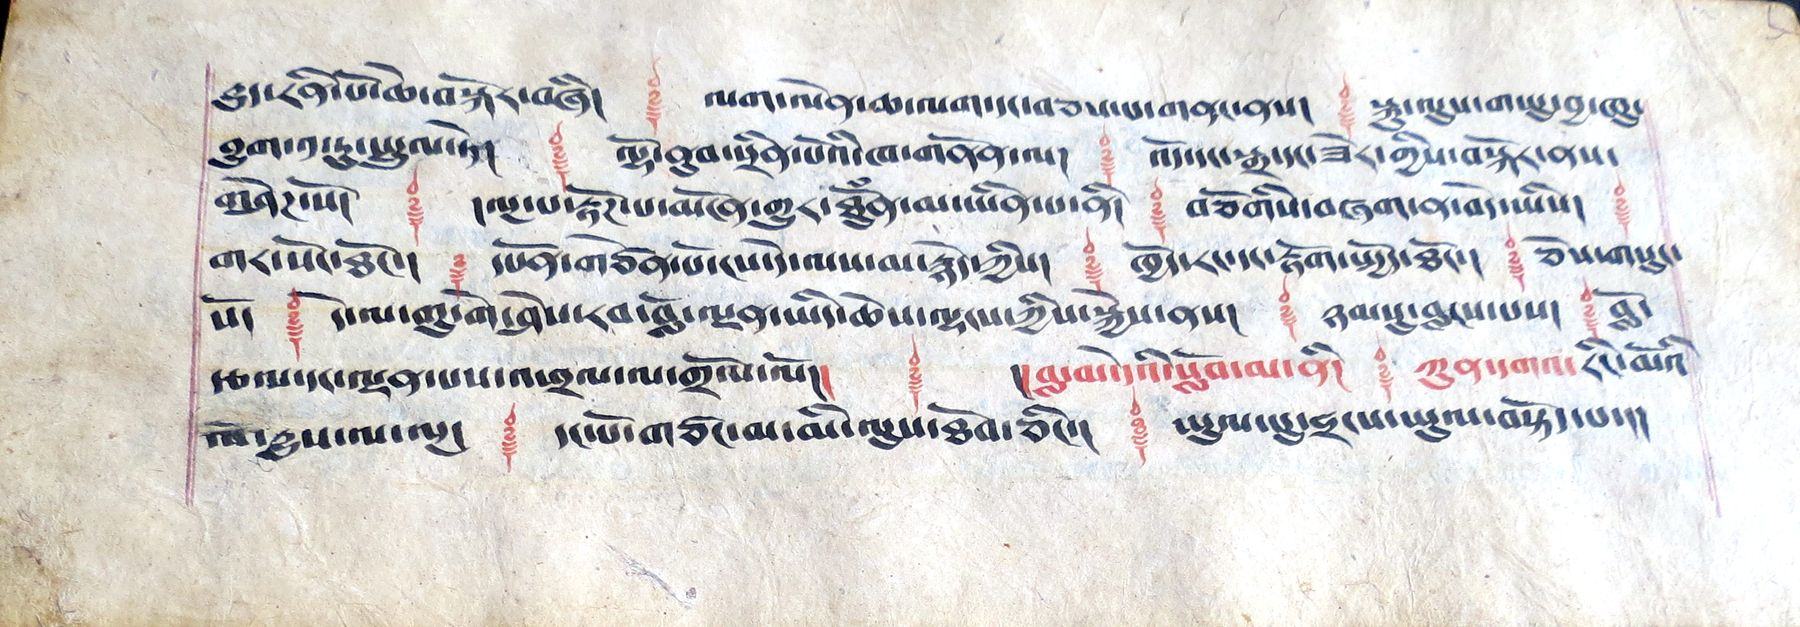རྒྱུད་རིན་པོ་ཆེ་སྐོར་བཞི་ལག་ལེན་ཆ་ལག་དང་བཅས་པ་གནང་ནས། སྐུ་ལུས་གཡུ་བྱ་ཁུ་
བྱུག་ཅིག་ཏུ་སྤྲུལ་ཏེ། ལྷོ་ནུབ་སྲིན་པོའི་ཁ་གནོན་ལ། འོད་དང་སྒྲ་དང་ཟེར་གྱིས་བསྐོར་ནས་
གཤེགས་སོ། ། ལྔ་པ་རྟོགས་པ་མངོན་གྱུར་ཐུན་མོང་མ་ཡིན་པ་ནི། ཅོག་གིས་བཞག་ན་བདེ་ཡི་
གར་སོང་ཐོང་། དཔོན་བཙན་པོ་ངས་དེ་ལས་མ་རྙེད་ཀྱི། ཁྱོད་རང་ཡང་རྟོག་དཔྱོད་ཐོང་། ཞེས་གསུངས་
སོ། ། དེ་ལ་གུ་གེ་ཤེས་རབ་བློ་ལྡན་ཡིད་ཆེས་ལྷང་གིས་སྐྱེས་ནས། ཉམས་སུ་བླངས་པས། བློ་
རྩལ་དང་ལྡན་པས་འཕྲལ་ལ་གྲོལ་ལོ། ། བླ་མ་དེའི་སློབ་མ་ནི། ཀུན་དགའ་རིང་མོའི་
ལོ་རྒྱུས་ལ་ལྔ། དང་པོ་གཙང་མ་མི་ལུས་ཐོབ་ཅིང་། ཡུལ་པུ་ཧྲང་ཡུལ་སྟོད་པ།